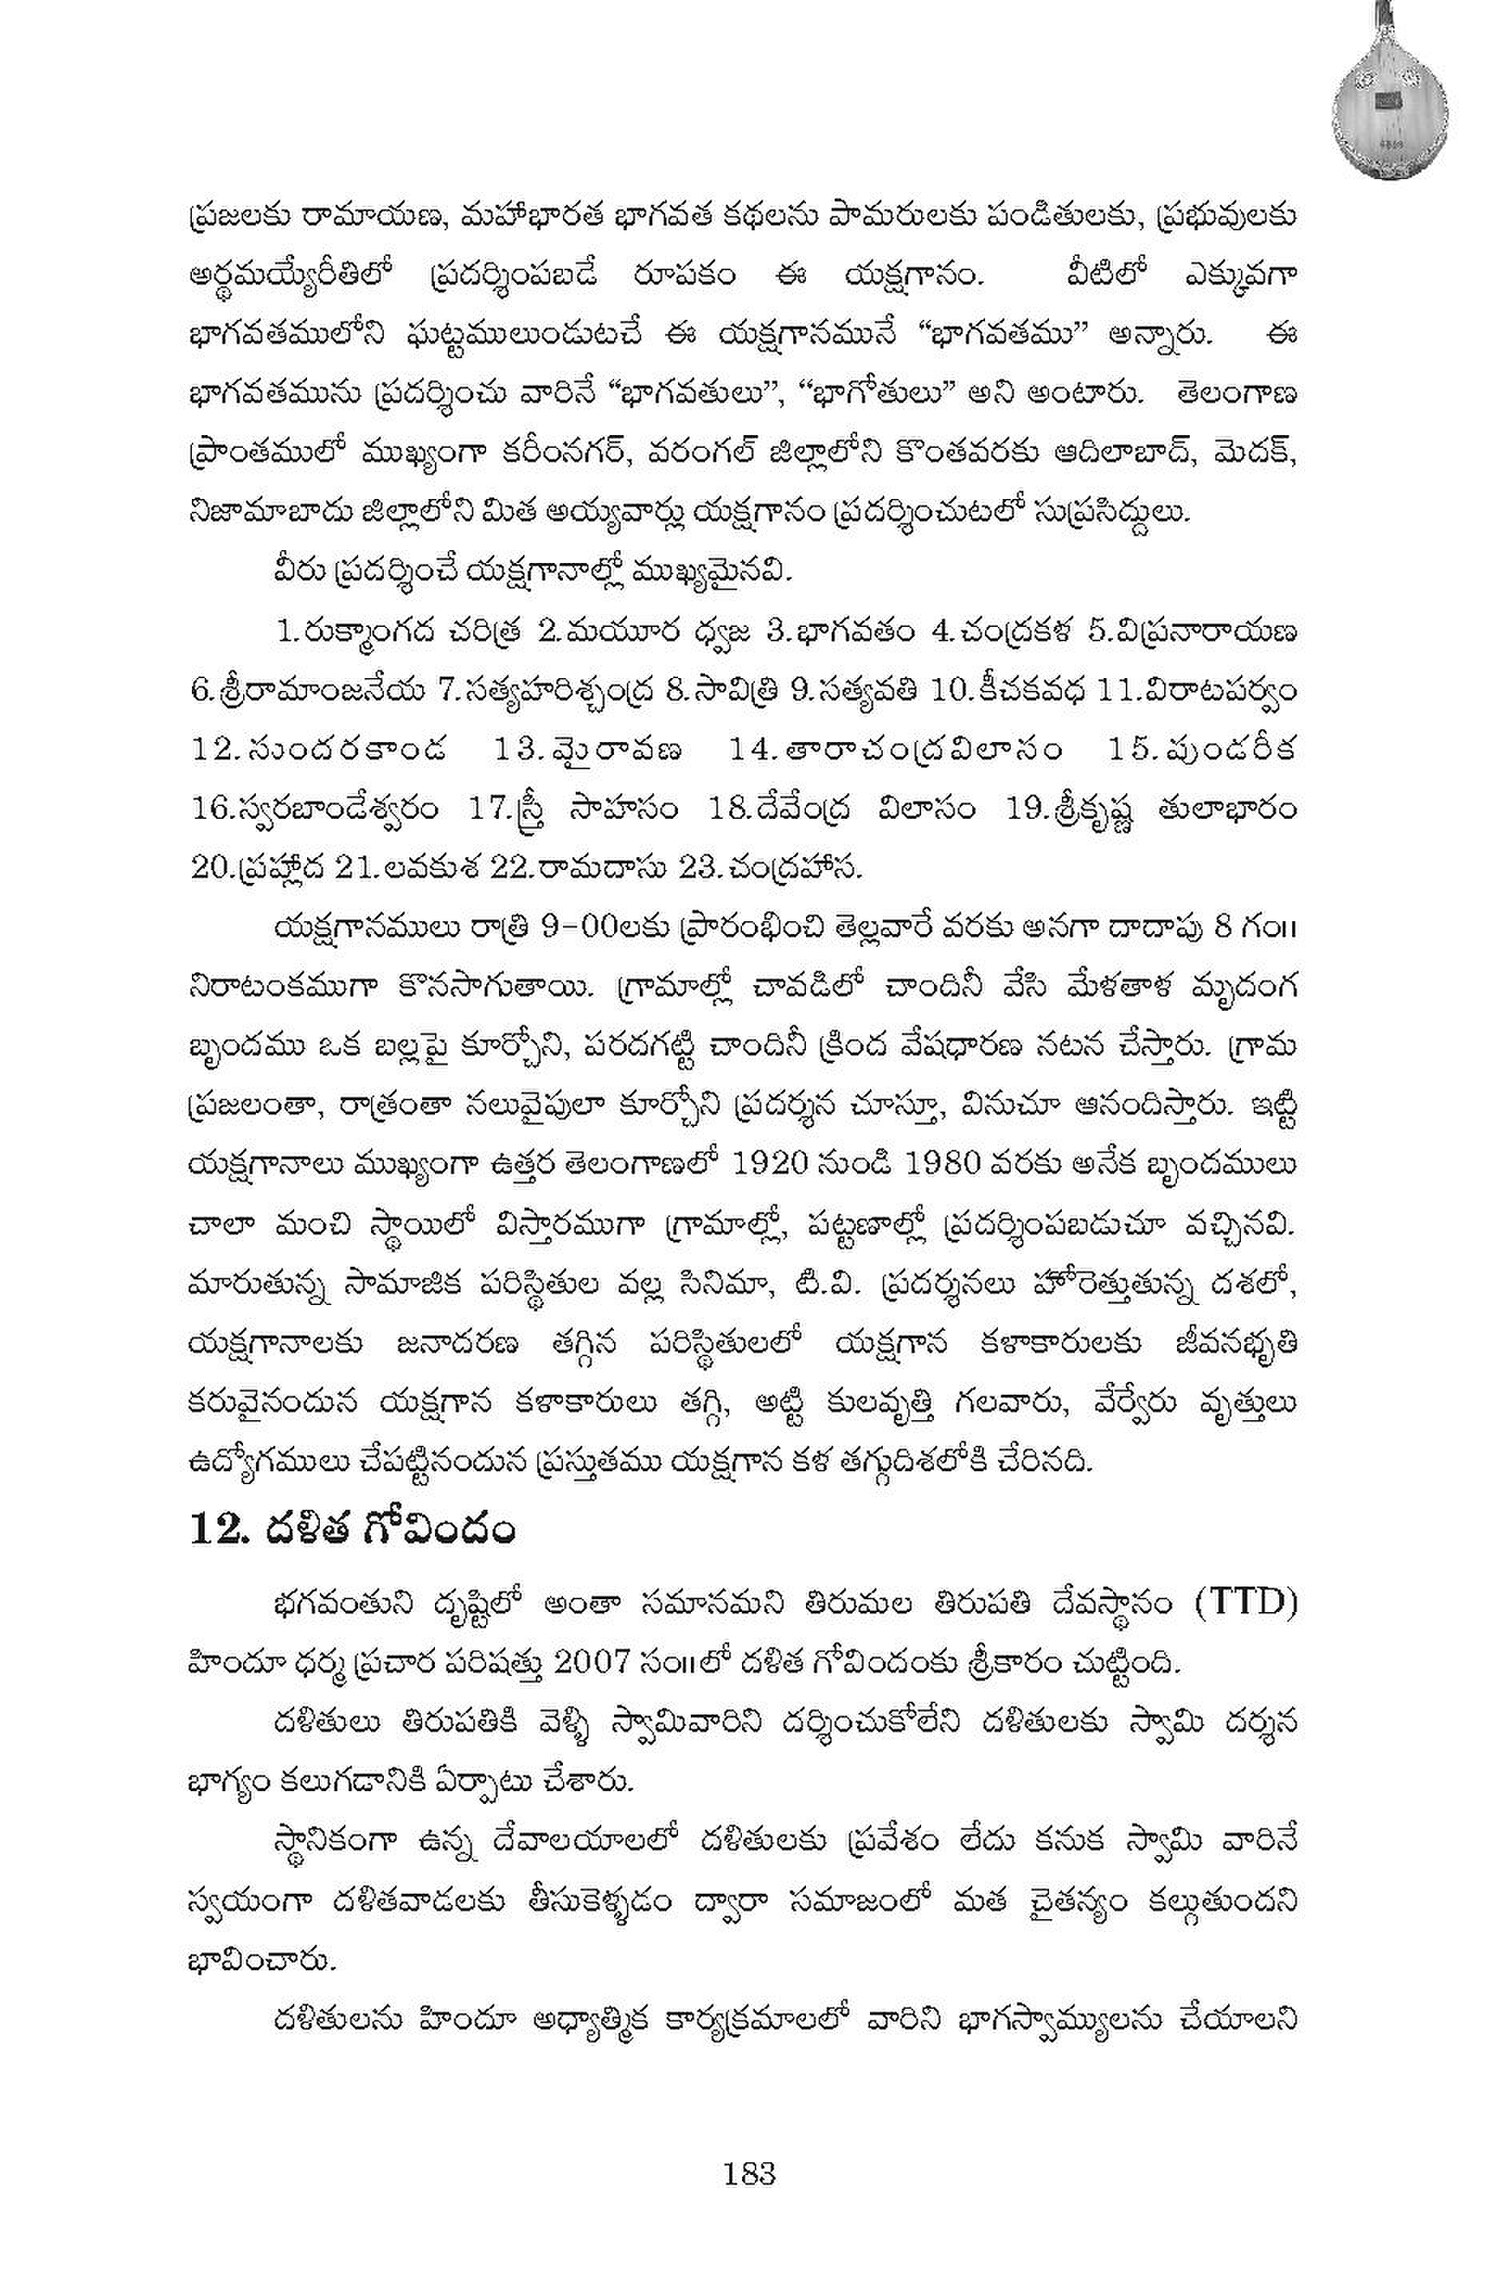ప్రజలకు రామాయణ, మహాభారత భాగవత కథలను పామరులకు పండితులకు, ప్రభువులకు అర్థమయ్యేరీతిలో ప్రదర్శింపబడే రూపకం ఈ యక్షగానం. వీటిలో ఎక్కువగా భాగవతములోని ఘట్టములుండుటచే ఈ యక్షగానమునే “భాగవతము” అన్నారు. ఈ భాగవతమును ప్రదర్శించు వారినే “భాగవతులు”, “భాగోతులు” అని అంటారు. తెలంగాణ
ప్రాంతములో ముఖ్యంగా కరీంనగర్, వరంగల్ జిల్లాలోని కొంతవరకు ఆదిలాబాద్, మెదక్, నిజామాబాదు జిల్లాలోని మిత అయ్యవార్లు యక్షగానం ప్రదర్శించుటలో సుప్రసిద్దులు.

వీరు ప్రదర్శించే యక్షగానాల్లో ముఖ్యమైనవి.

1. రుక్మాంగద చరిత్ర 2. మయూర ధ్వజ 3. భాగవతం 4. చంద్రకళ 5.విప్రనారాయణ 6. శ్రీరామాంజనేయ 7. సత్యహరిశ్చంద్ర 8. సావిత్రి 9. సత్యవతి 10. కీచకవధ 11. విరాటపర్వం 12. సుందరకాండ 13. మైరావణ 14. తారాచంద్రవిలాసం 15.పుండరీక 16.స్వరబాండేశ్వరం 17.స్త్రీ సాహసం 18.దేవేంద్ర విలాసం 19. శ్రీకృష్ణ తులాభారం
20. ప్రహ్లాద 21. లవకుశ 22. రామదాసు 23. చంద్రహాస.

యక్షగానములు రాత్రి 9-00లకు ప్రారంభించి తెల్లవారే వరకు అనగా దాదాపు 8 గం॥ నిరాటంకముగా కొనసాగుతాయి. గ్రామాల్లో చావడిలో చాందినీ వేసి మేళతాళ మృదంగ బృందము ఒక బల్లపై కూర్చోని, పరదగట్టి చాందినీ క్రింద వేషధారణ నటన చేస్తారు. గ్రామ ప్రజలంతా, రాత్రంతా నలువైపులా కూర్చోని ప్రదర్శన చూస్తూ, వినుచూ ఆనందిస్తారు. ఇట్టి
యక్షగానాలు ముఖ్యంగా ఉత్తర తెలంగాణలో 1920 నుండి 1980 వరకు అనేక బృందములు చాలా మంచి స్థాయిలో విస్తారముగా గ్రామాల్లో, పట్టణాల్లో ప్రదర్శింపబడుచూ వచ్చినవి. మారుతున్న సామాజిక పరిస్థితుల వల్ల సినిమా, టి.వి. ప్రదర్శనలు హోరెత్తుతున్న దశలో, యక్షగానాలకు జనాదరణ తగ్గిన పరిస్థితులలో యక్షగాన కళాకారులకు జీవనభృతి
కరువైనందున యక్షగాన కళాకారులు తగ్గి, అట్టి కులవృత్తి గలవారు, వేర్వేరు వృత్తులు ఉద్యోగములు చేపట్టినందున ప్రస్తుతము యక్షగాన కళ తగ్గుదిశలోకి చేరినది.

12. దళిత గోవిందం 

భగవంతుని దృష్టిలో అంతా సమానమని తిరుమల తిరుపతి దేవస్థానం (TTD) హిందూ ధర్మ ప్రచార పరిషత్తు 2007 సం||లో దళిత గోవిందంకు శ్రీకారం చుట్టింది. దళితులు తిరుపతికి వెళ్ళి స్వామివారిని దర్శించుకోలేని దళితులకు స్వామి దర్శన భాగ్యం కలుగడానికి ఏర్పాటు చేశారు.

స్థానికంగా ఉన్న దేవాలయాలలో దళితులకు ప్రవేశం లేదు కనుక స్వామి వారినే స్వయంగా దళితవాడలకు తీసుకెళ్ళడం ద్వారా సమాజంలో మత చైతన్యం కల్గుతుందని భావించారు.

దళితులను హిందూ అధ్యాత్మిక కార్యక్రమాలలో వారిని భాగస్వామ్యులను చేయాలని